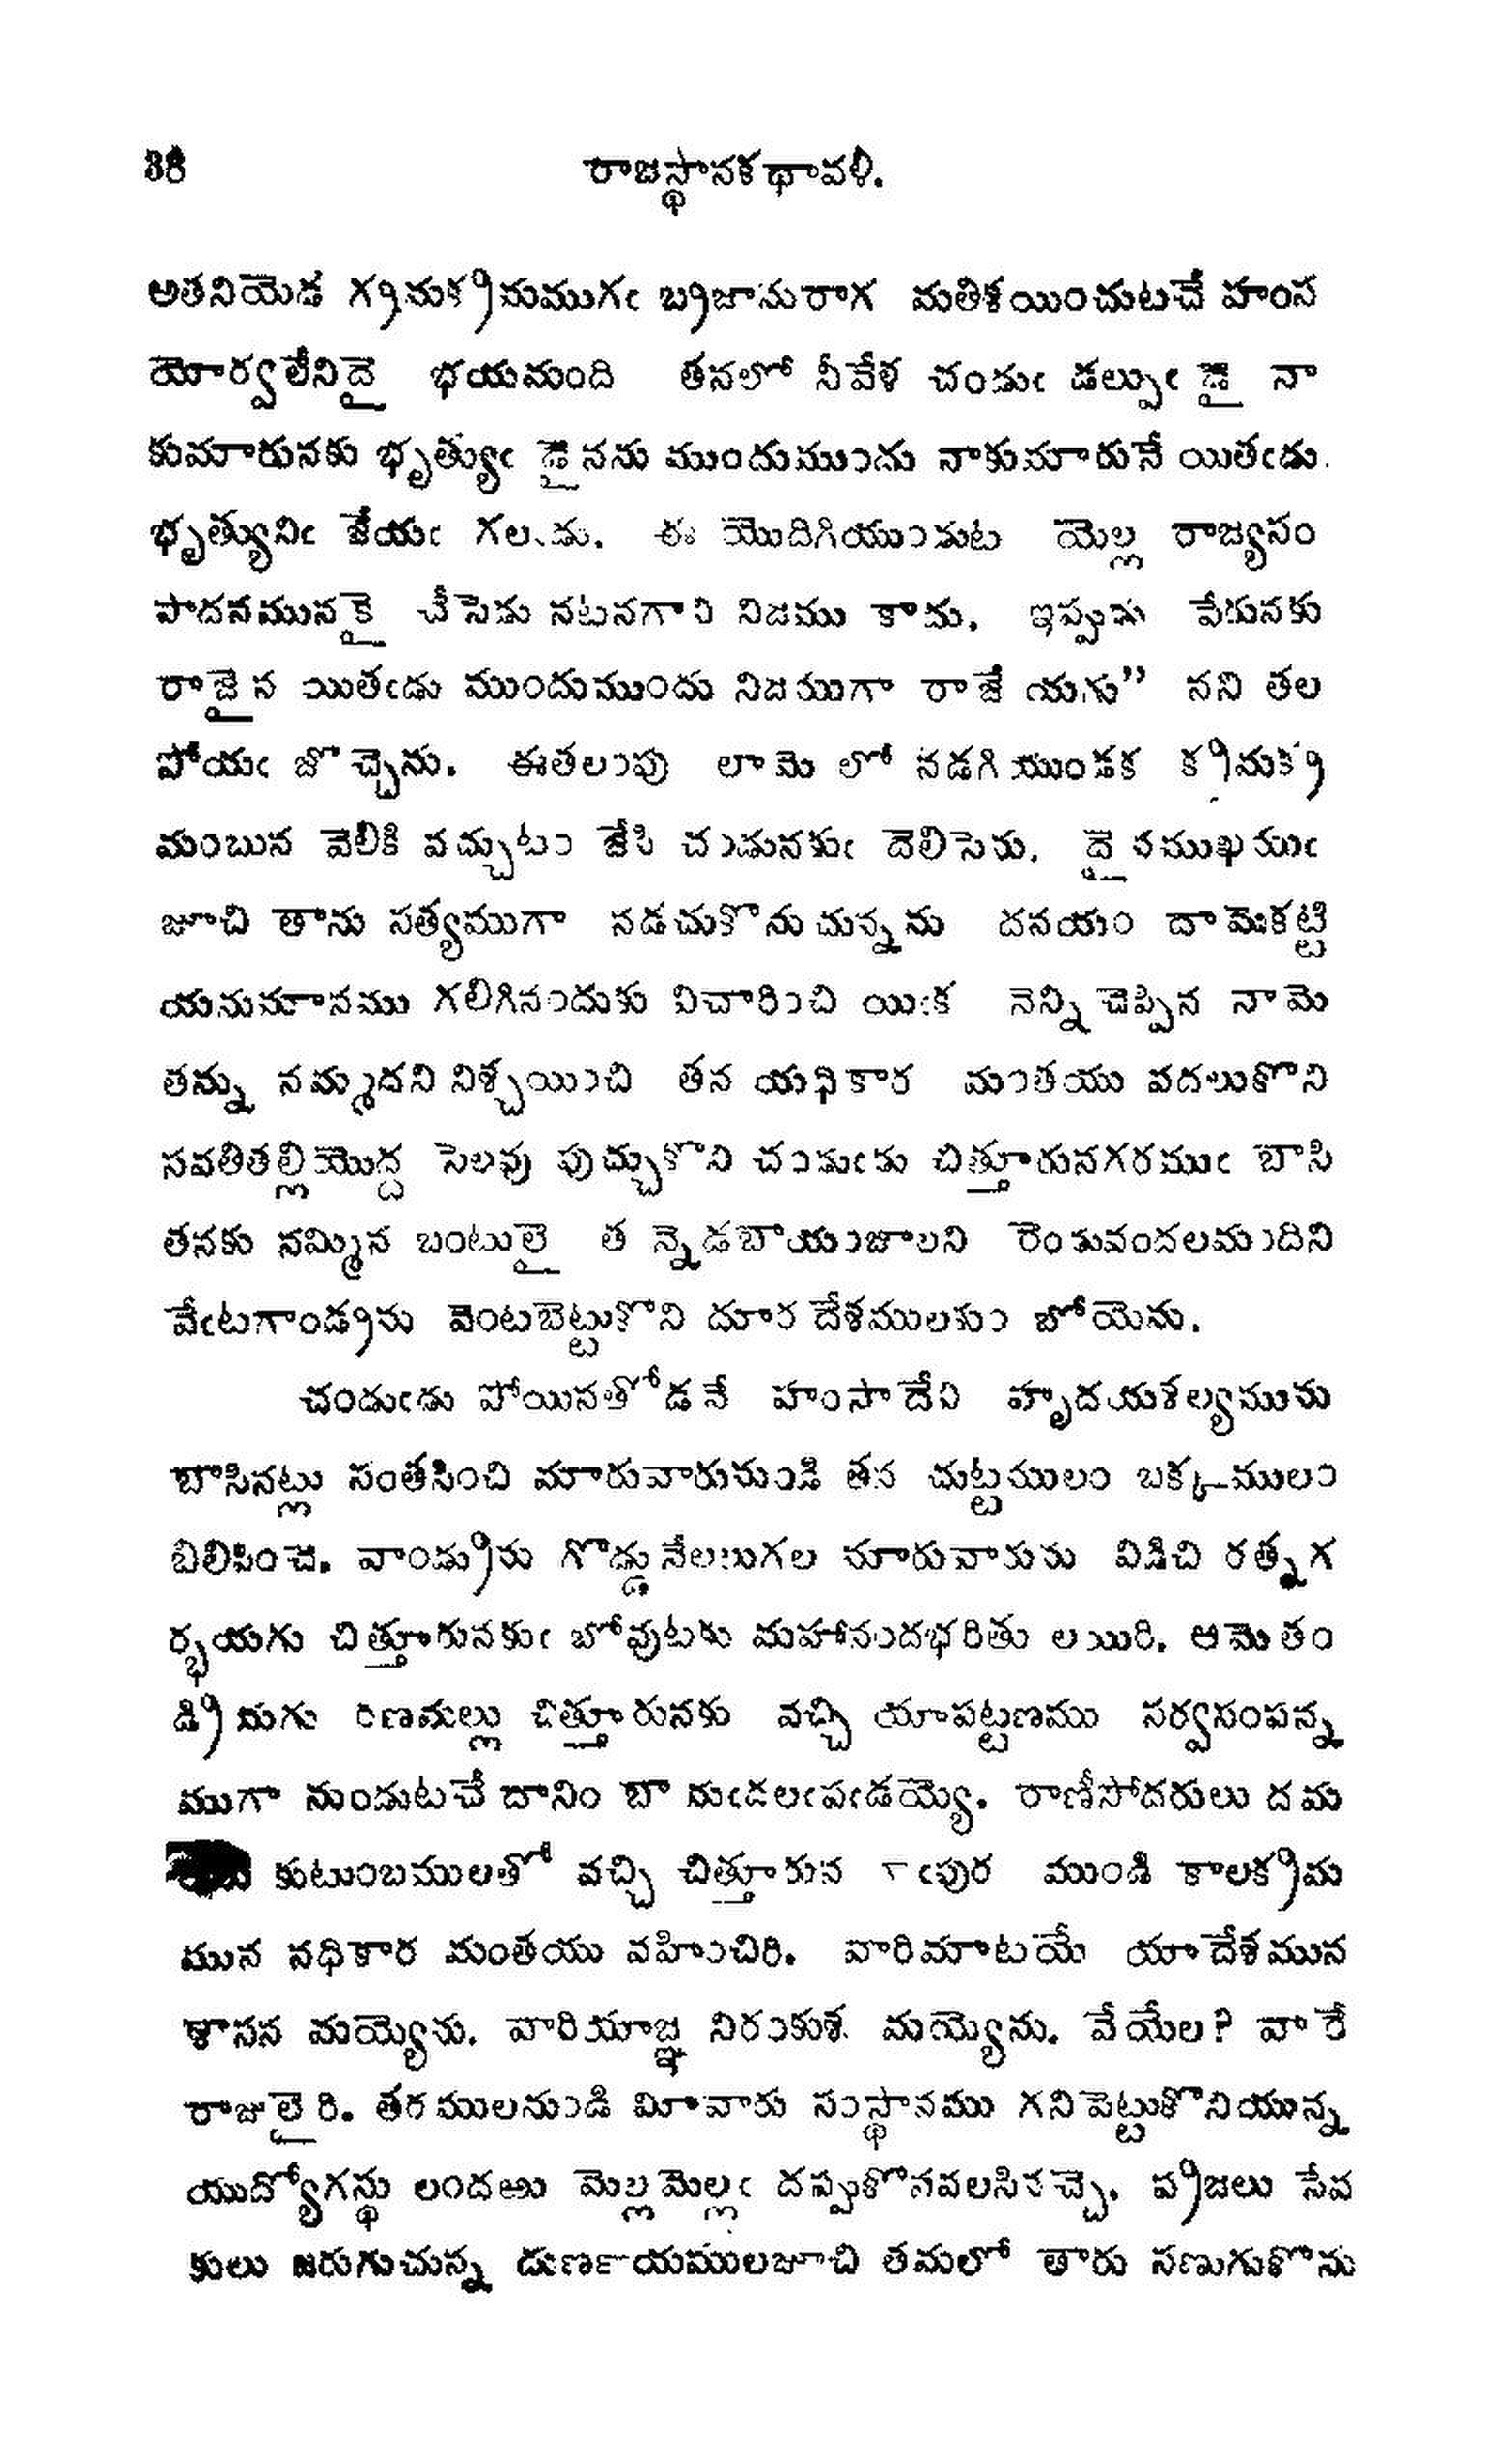అతనియెడ గ్రమక్రమముగఁ బ్రజాను రాగ మతిశయించుటచే హంస యోర్వలేనిదై భయమంది తనలో నీవేళ చంకుఁ డల్పుఁడైనా కుమారునకు భృత్యుఁ డైనను ముందుముందు నాకుమారునే యితఁడు. భృత్యునిఁ జేయఁ గలఁడు. ఈ యొదిగియుండుట యెల్ల రాజ్యసంపాదనమునకై చేసెడు నటనగాని, నిజము కాదు. ఇప్పుడు పేరునకు రాజైన యితఁడు ముందు ముందు నిజముగా రాజే యగు" నని తలపోయఁ జొచ్చెను. ఈతలంపు లామె లో నడగి యుండక క్రమక్రమంబున వెలికి వచ్చుటం జేసి చండునకుఁ దెలిసెను. దైవముఖముఁ జూచి తాను సత్యముగా నడచుకొను చున్నను దనయం దామెకట్టి యనుమానము గలిగినందుకు విచారించి యింక నెన్ని చెప్పిన నామె తన్ను నమ్మదని నిశ్చయించి తన యధికార మంతయు వదలుకొని సవతితల్లి యొద్ద సెలవు పుచ్చుకొని చండుఁడు చిత్తూరునగరముఁ బాసి తనకు నమ్మిన బంటులై తన్నెడ బాయంజాలని రెండువందలమందిని వేఁటగాండ్రను వెంటబెట్టుకొని దూర దేశములకుం బోయెను.

చండుఁడు పోయిన తోడనే హంసా దేవి హృదయశల్యమును బాసినట్లు సంతసించి మారువారునుండి తన చుట్టములం బక్కములం బిలిపించి, వాండ్రును గొడ్డు నేలలుగల నూరు వారును విడిచి రత్నగర్భయగు చిత్తూరునకుఁ బోవుటకు మహానందభరితు లయిరి. ఆమెతండ్రి యగు రణమల్లు చిత్తూరునకు వచ్చి యాపట్టణము సర్వసంపన్నముగా నుండుటచే దానిం బాగుఁడలఁపఁడయ్యె. రాణీ సోదరులు దమ
కుటుంబములతో వచ్చి చిత్తూరున గాఁపుర ముండి కాలక్రమమున నధికార మంతయు వహించిరి. వారి మాటయే యా దేశమున శాసన మయ్యెను. వారి యాజ్ఞ నిరంకుశ మయ్యెను. వేయేల? వారే రాజులై రి. తరములనుండి మీవారు సంస్థానము గని పెట్టుకొనియున్న యుద్యోగస్థు లందఱు మెల్ల మెల్లఁ దప్పుకోనవలసిన వచ్చె. ప్రజలు సేవకులు జరుగుచున్న దుణ౯యములజూచీ తమలో తారు సణుగుకొను